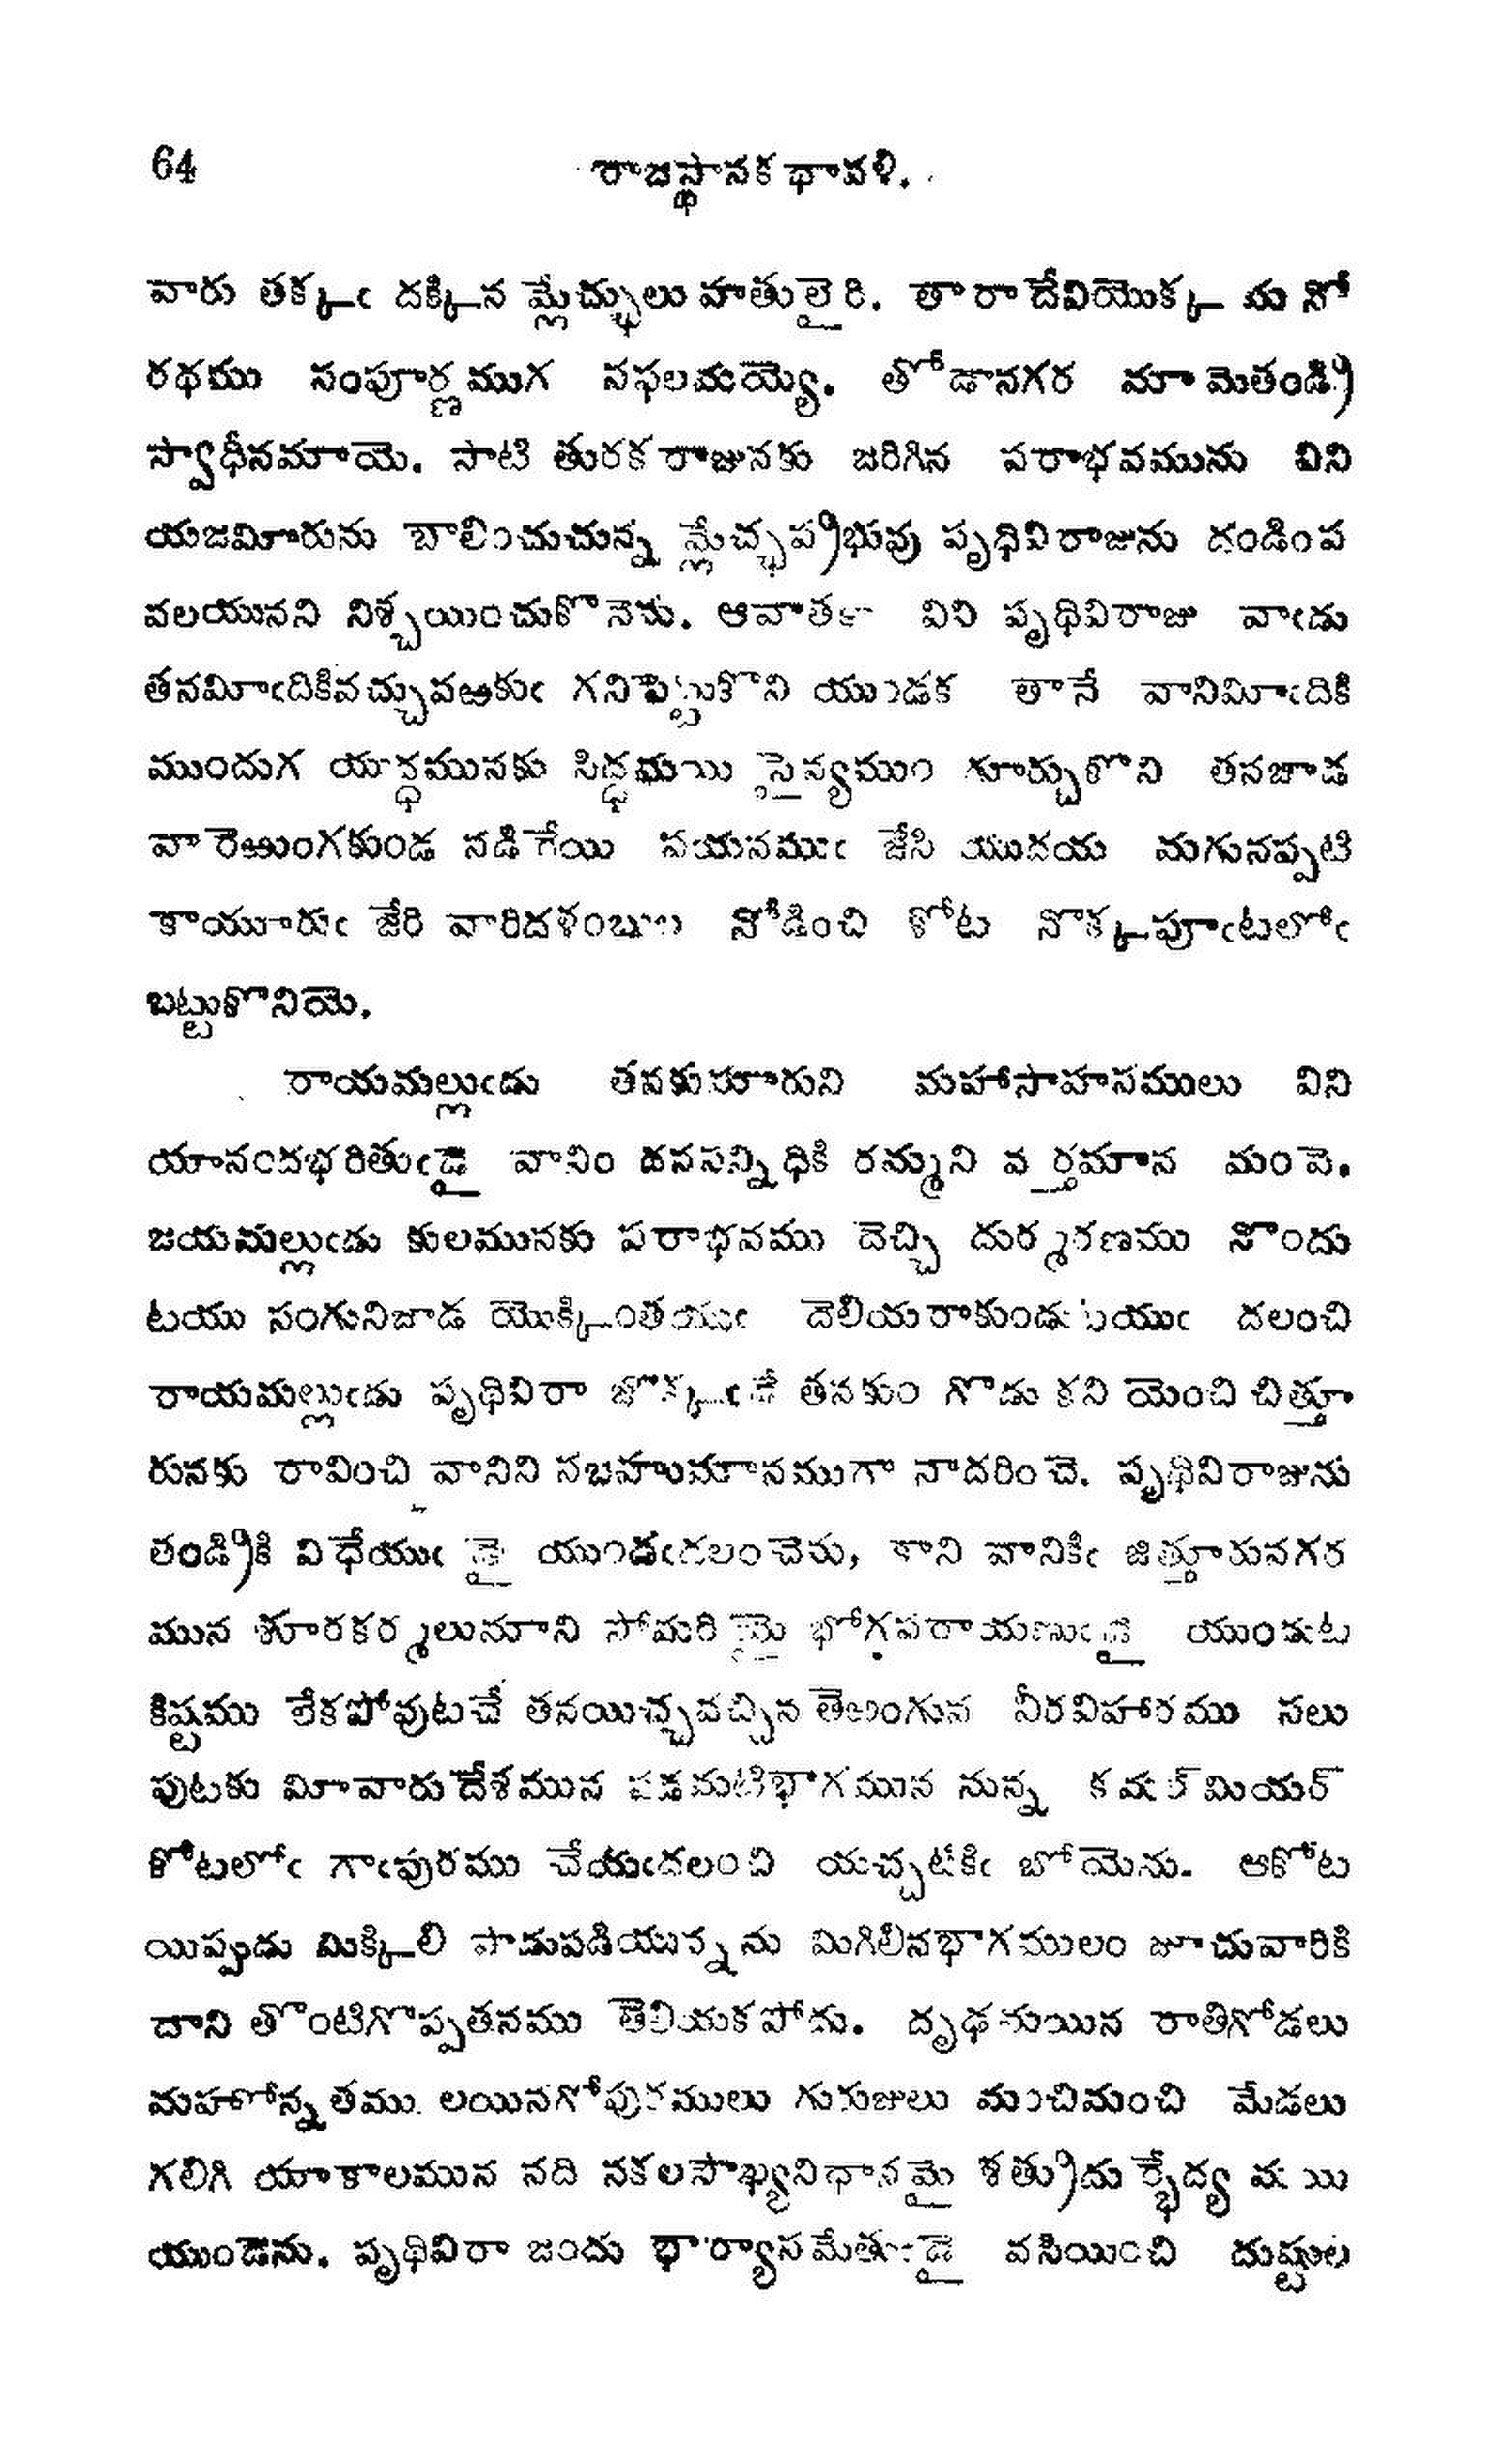వారు తక్కఁ దక్కిన మ్లేచ్ఛులు హతులైరి. తారాదేవియొక్క మనోరథము సంపూర్ణముగ సఫలమయ్యే. తోడానగర మామెతండ్రి
స్వాధీనమాయె. సాటి తురక రాజునకు జరిగిన పరాభవమును విని యజమీరును బాలించుచున్న మ్లేచ్ఛప్రభువు పృధివిరాజును దండింప
వలయునని నిశ్చయించుకొనెను. ఆవాత౯ విని పృథివిరాజు వాఁడు తనమీఁదికివచ్చువఱకుఁ గని పెట్టుకొని యుఁడక తానే వానిమీఁదికి
ముందుగ యుద్దమునకు సిద్ధమయి సైన్యముం గూర్చుకొని తనజాడ వారెఱుంగకుండ నడిరేయి పయనముఁ జేసి యుదయ మగునప్పటి
కాయూరుఁ జేరి వారిదళంబుల నోడించి కోట నొక్క పూఁటలోఁ బట్టుకొనియె.

రాయమల్లుఁడు తనకుమారుని మహాసాహసములు విని యానందభరితుఁడై వానిం దనసన్నిధికి రమ్మని వర్తమాన మంపె. జయమల్లుఁడు కులమునకు పరాభవము దెచ్చి దుర్మరణము నొందుటయు సంగునిజాడ యొక్కింతయుఁ దెలియ రాకుండటయుఁ దలంచి
రాయమల్లుఁడు పృథివిరా జోక్కఁడే తనకుం గొడు కని యెంచి చిత్తూరునకు రావించి వానిని సబహుమానముగా నాదరించె. పృథివి రాజును
తండ్రికి విధేయుఁడై యుఁడఁదలంచెను, కాని వానికిఁ జిత్తూరునగరమున శూరకర్మలుమానీ సోమరియై భోగపరాయనణుఁడై యుండుట
కిష్టము లేకపోవుటచే తనయిచ్చవచ్చిన తెఱంగున వీర విహారము సలుపుటకు మీవారు దేశమున పడమ భాగమున నున్న కమల్ మియర్
గోటలోఁ గాఁవురము చేయఁదలంచి యచ్చటికిఁ బోయెను. ఆకోట యిప్పుడు మిక్కిలి పాడుపడియున్నను మిగిలిన భాగములం జూచువారికి
దాని తొంటి గొప్పతనము తెలియక పోదు. దృఢమయిన రాతిగోడలు మహోన్నతము లయినగోపురములు గురుజులు మంచిమంచి మేడలు
గలిగి యాకాలమున నది నకల సౌఖ్యనిధానమై శత్రుదుర్భేద్య మయి యుండెను. పృథివిరా జందు భార్యాసమేతుండై వసియించి దుష్టుల